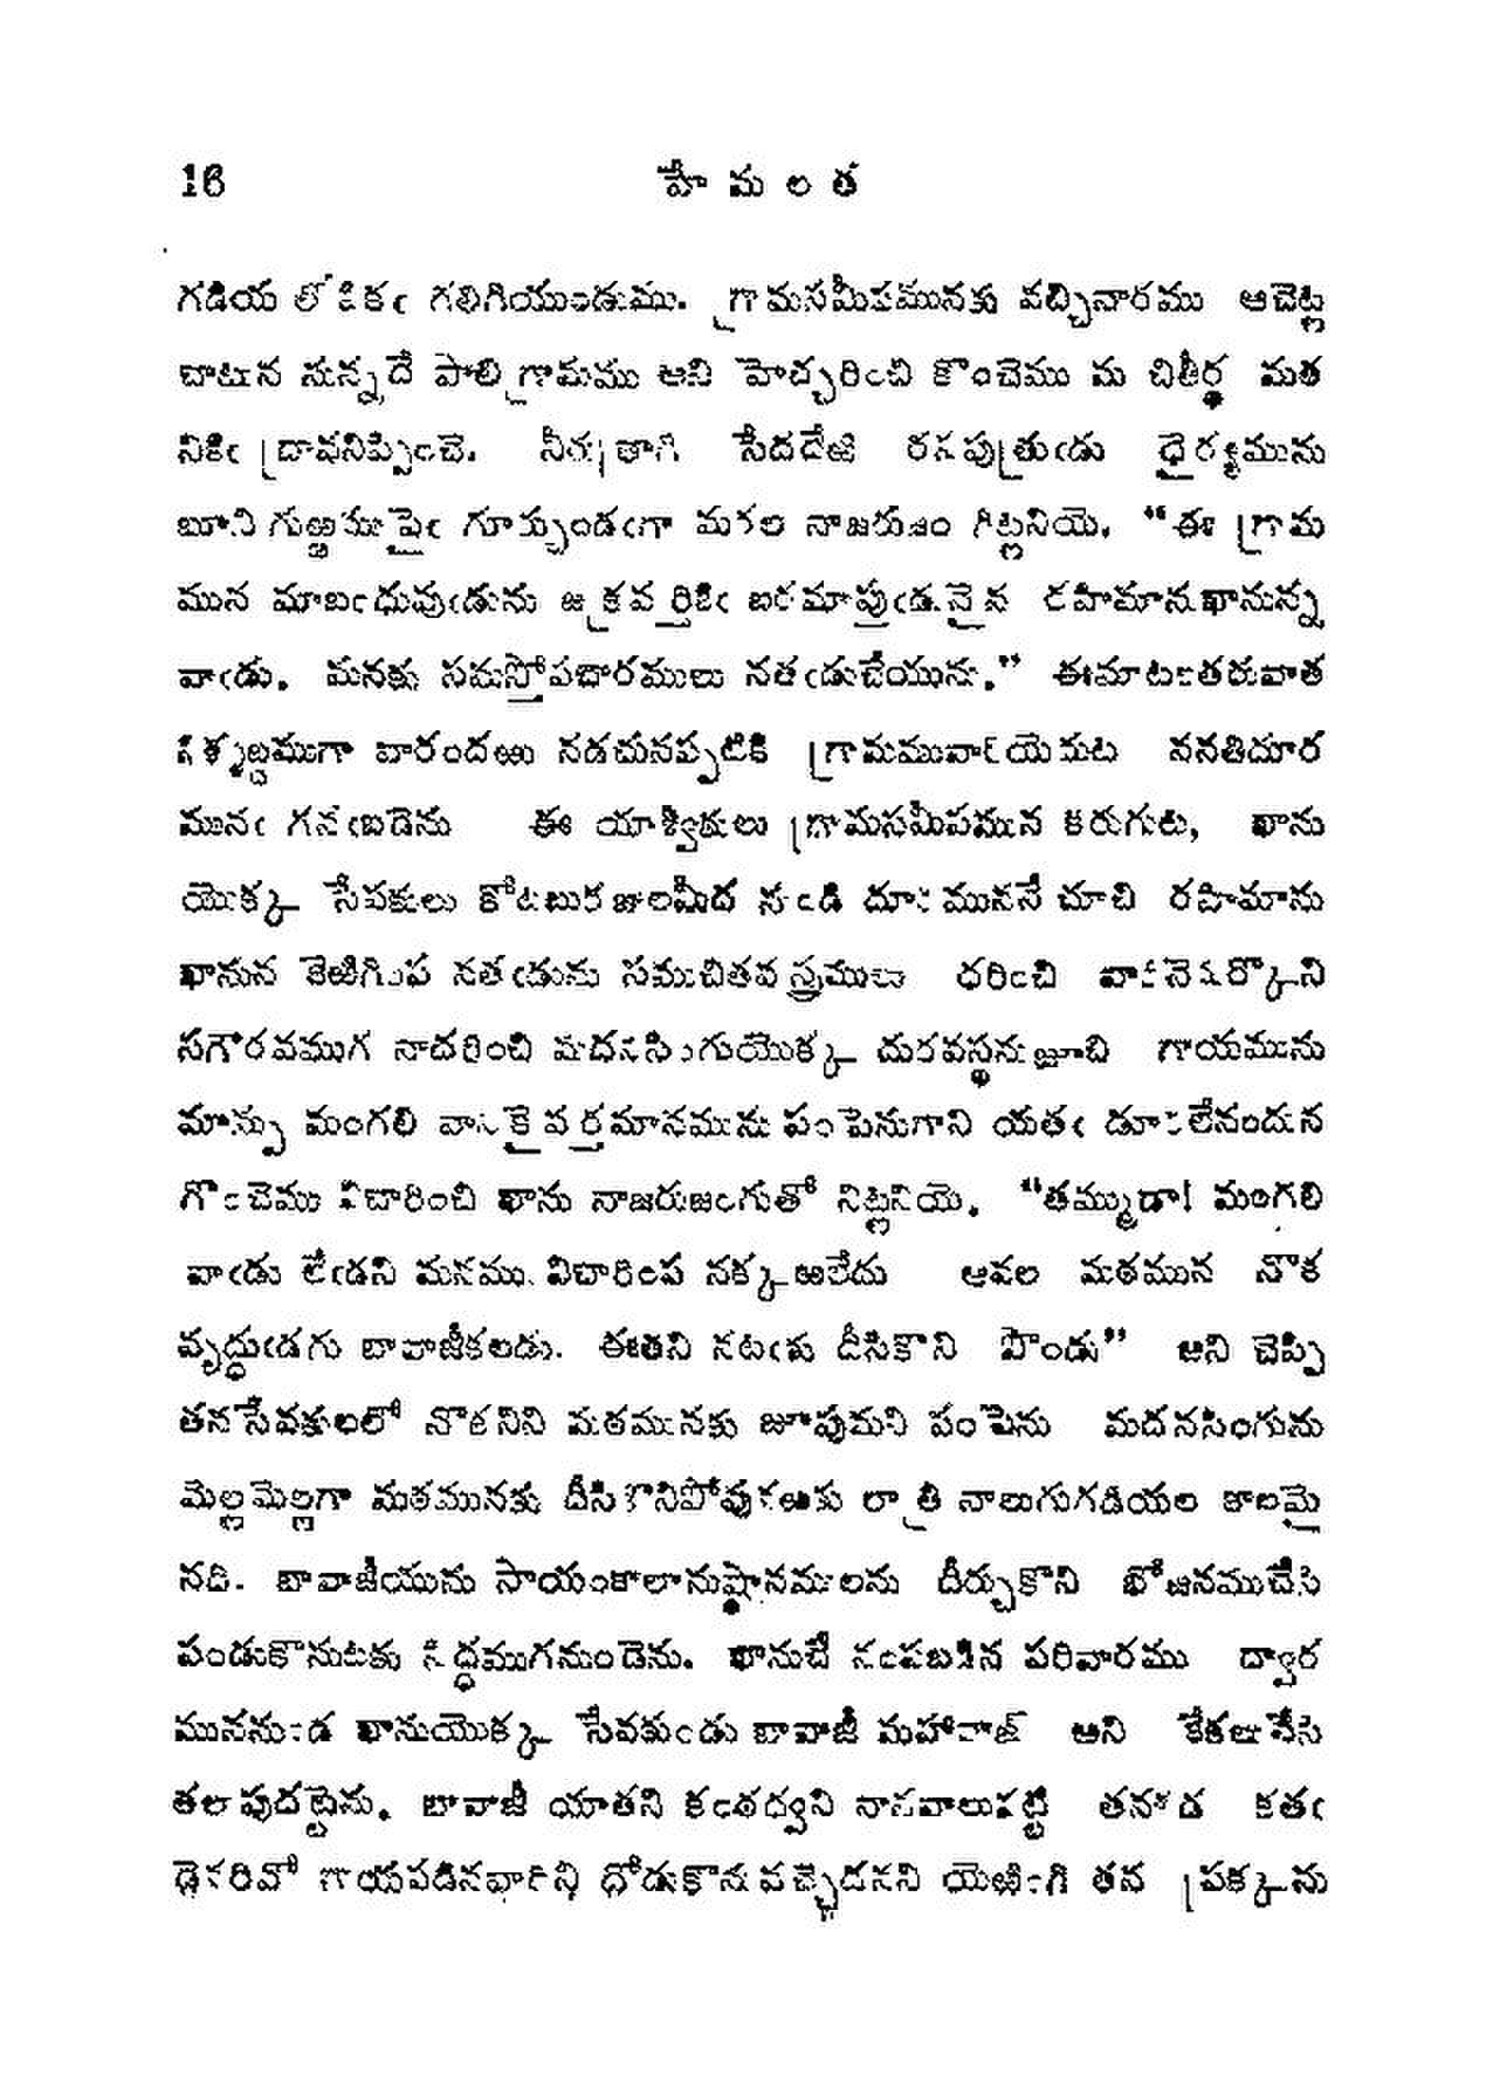గడియ లోపికఁ గలిగియుండుము. గ్రామ సమీపమునకు వచ్చినారము. ఆచెట్ల చాటున నున్నదే పాలి గ్రామము అని హెచ్చరించి కొంచెము మంచితీర్థ మత నికిఁ ద్రావనిప్పించె. నీరుత్రాగి సేదదీఱి రసపుత్రుఁడు ధైర్యమును బూని గుఱ్ఱముపైఁ గూర్చుండఁగా మరల నాజరుజం గిట్లనియె. “ఈ గ్రామమున మాబంధువుఁడును జక్రవర్తికిఁ బరమాప్తుఁడనైన రహిమానుఖానున్న వాఁడు. మనకు, సమస్తోపచారములు నతఁడుచేయును.” ఈమాటల తరువాత నిశ్శబ్దముగా వారందఱు నడచునప్పటికి గ్రామమువారియెదుట ననతిదూరమునఁ గనఁబడెను ఈ యాశ్వికులు గ్రామసమీపమున కరుగుట, ఖాను యొక్క సేవకులు కోట బురుజులమీద నుండి దూరముననే చూచి రహిమాను ఖానున కెఱిగింప నతఁడును సముచితవస్త్రములు ధరించి వారినెదుర్కొని సగౌరవముగ నాదరించి మదనసింగుయొక్క దురవస్థనుజూచి గాయమును మాన్పు మంగలి వానికైవర్తమానమును పంపెనుగాని యతఁ డూరలేనందన గొంచెము విచారించి ఖాను నాజరు జంగుతో నిట్లనియె. “తమ్ముడా! మంగలి వాఁడు లేడని మనము విచారింప నక్కఱలేదు. ఆవల మఠమున నొక వృద్ధుఁడగు బావాజీకలడు. ఈతని నటఁకు దీసికొని పొండు” అని చెప్పి తన సేవకులలో నొకనిని మఠమునకు జూపుమని పంపెను. మదనసింగును మెల్లమెల్లగా మఠమునకు దీసికొనిపోవువఱకు రాత్రి నాలుగుగడియల కాలమైనది. బావాజీయును సాయంకాలానుష్ఠానములను దీర్చుకొని భోజనముచేసి పండుకొనుటకు సిద్ధముగనుండెను. ఖానుచే సంపబడిన పరివారము ద్వార ముననుండ భానుయొక్క సేవకుండు బావాజీ మహారాజ్ అని కేకలు వేసి తలపుదట్టెను. బావాజీ యాతని కంఠదధ్వని నానవాలు పట్టి తనకడ కతఁ డెవరివో గాయపడిన వారిని దోడుకొనవచ్చెదనని యెఱిఁగి తన ప్రక్కను